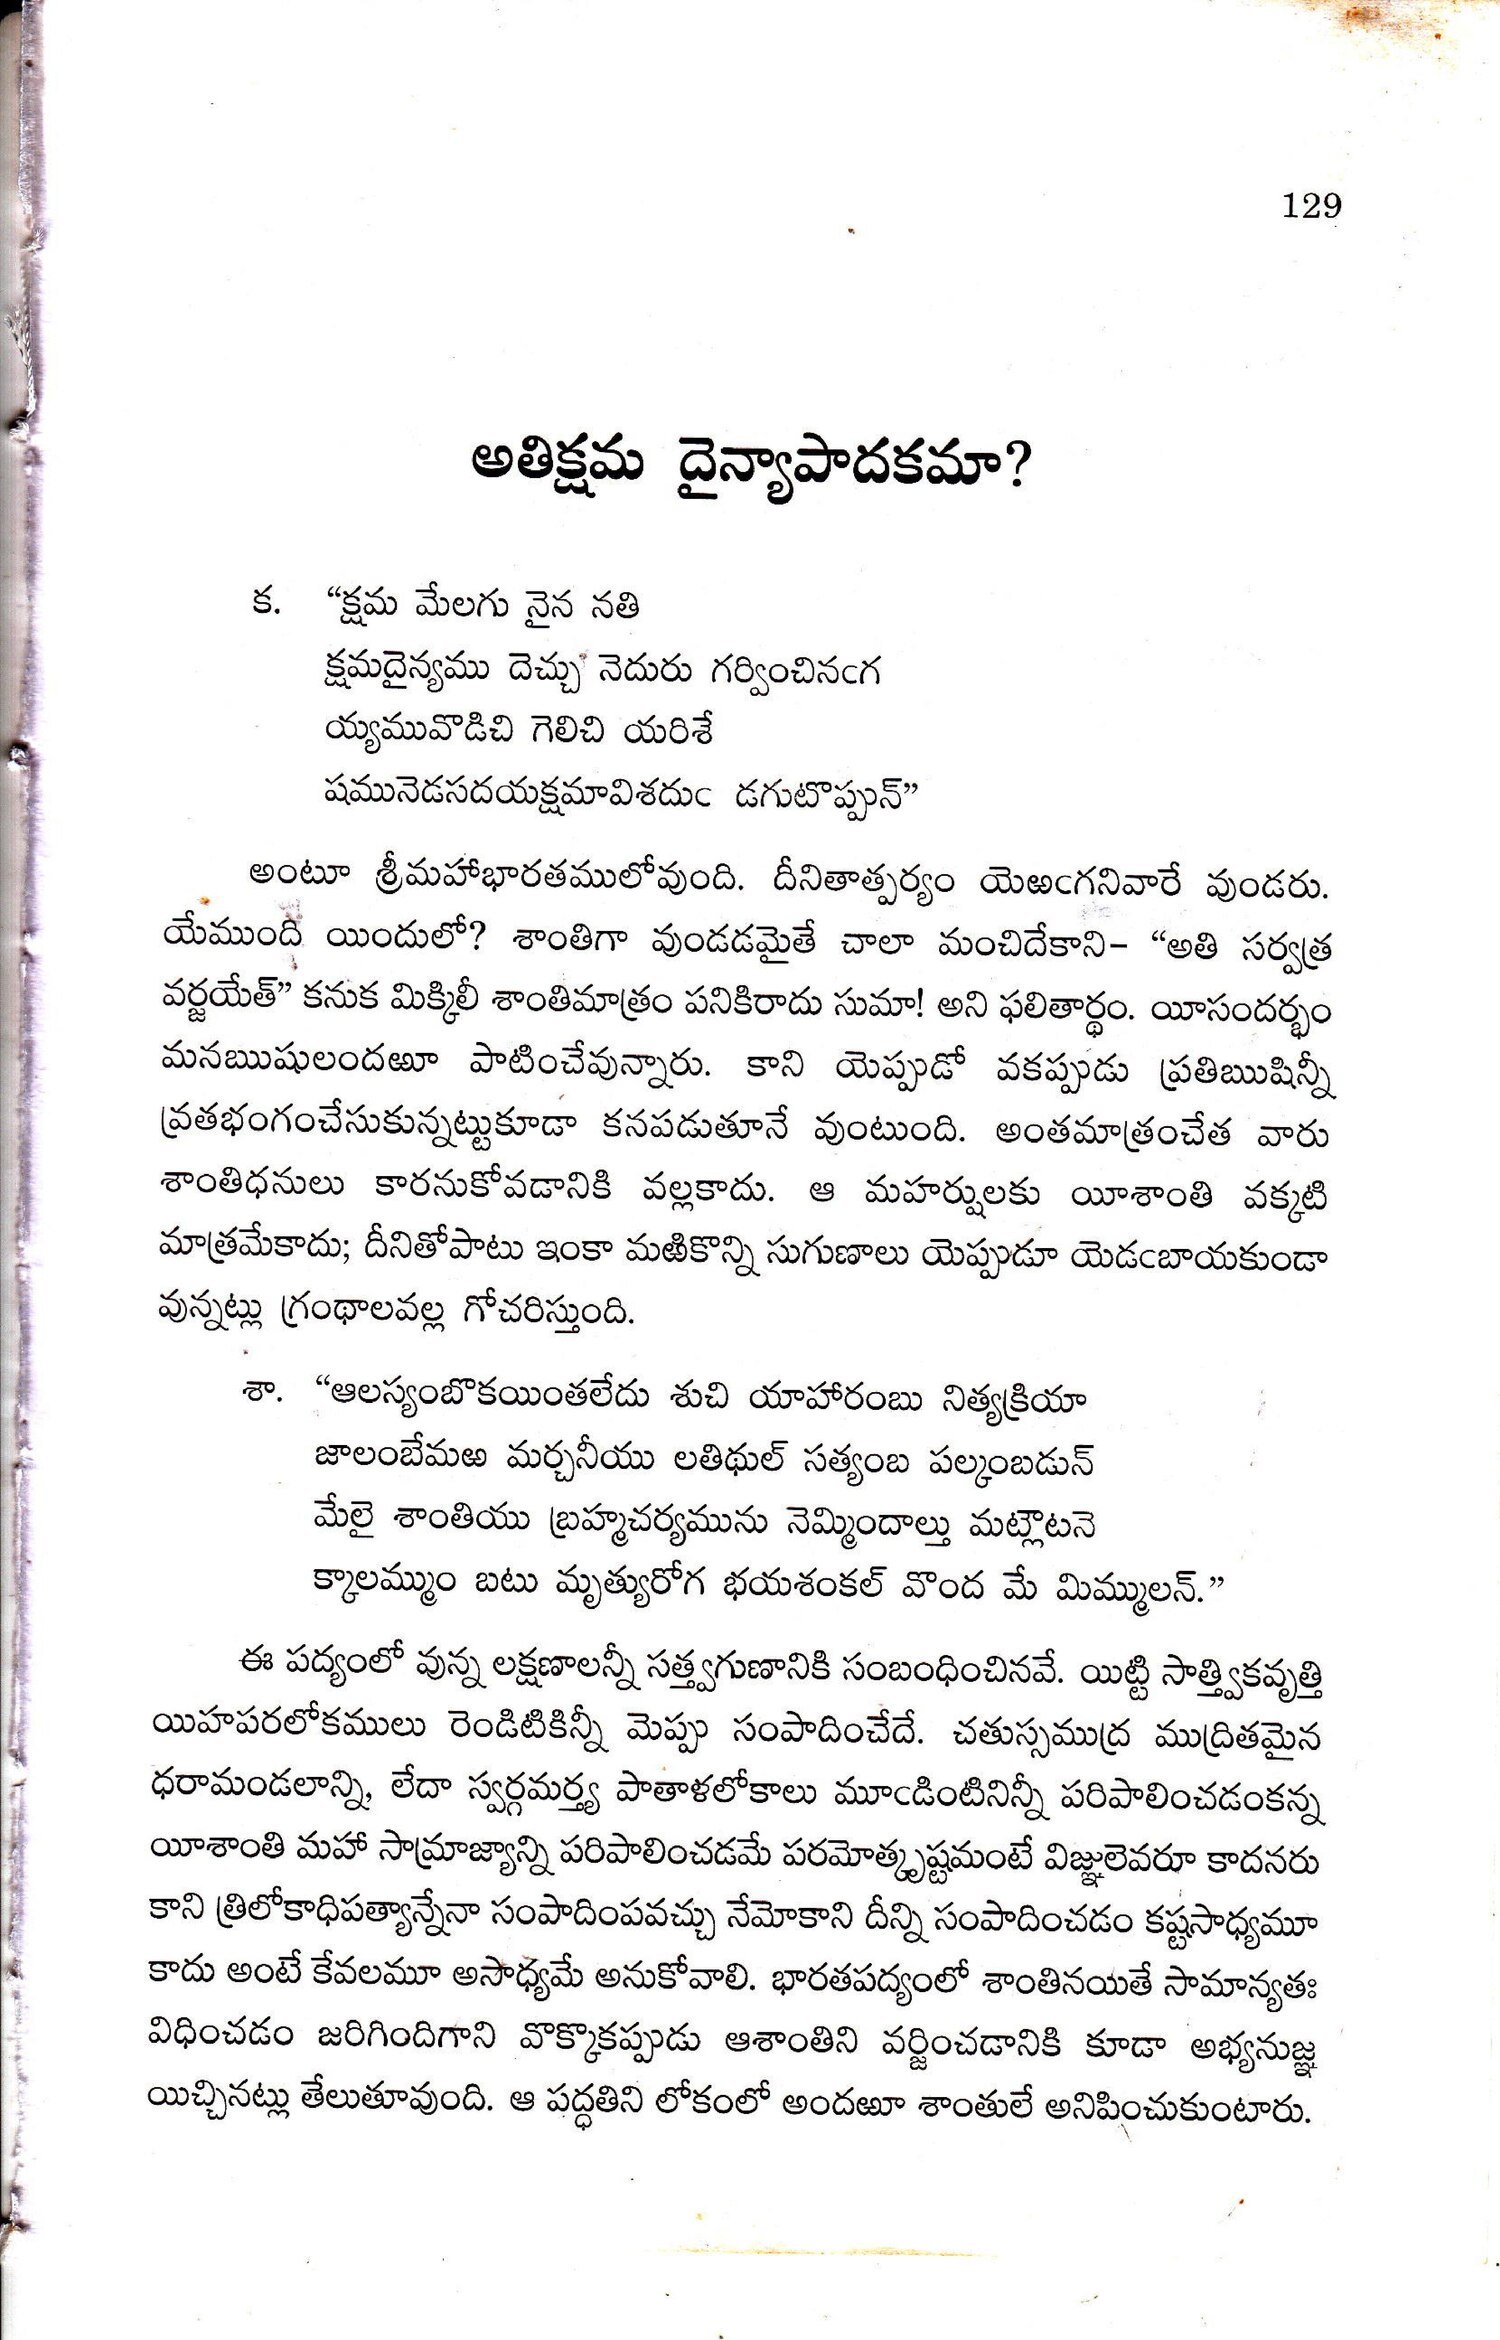అతిక్షమ దైన్యాపాదకమా?

క. "క్షమ మేలగు నైన నతి
 క్షమదైన్యము దెచ్చు నెదురు గర్వించినఁగ 
 య్యమువొడిచి గెలిచి యరిశే 
 షమునెడసదయక్షమావిశదుఁ డగుటొప్పున్"
అంటూ శ్రీమహాభారతములోవుంది. దీనితాత్పర్యం యెఱఁగనివారే వుండరు. యేముంది యిందులో? శాంతిగా వుండడమైతే చాలా మంచిదేకాని- "అతి సర్వత్ర వర్జయేత్" కనుక మిక్కిలీ శాంతిమాత్రం పనికిరాదు సుమా! అని ఫలితార్థం. యీసందర్భం మనఋషులందఱూ పాటించేవున్నారు. కాని యెప్పడో వకప్పుడు ప్రతిఋషిన్నీ వ్రతభంగంచేసుకున్నట్టుకూడా కనపడుతూనే వుంటుంది. అంతమాత్రంచేత వారు శాంతిధనులు కారనుకోవడానికి వల్లకాదు. ఆ మహర్షులకు యీశాంతి వక్కటి మాత్రమేకాదు; దీనితోపాటు ఇంకా మఱికొన్ని సుగుణాలు యెప్పడూ యెడఁబాయకుండా వున్నట్లు గ్రంథాలవల్ల గోచరిస్తుంది.

శా. “ఆలస్యంబొకయింతలేదు శుచి యాహారంబు నిత్యక్రియా 
 జాలంబేమఱ మర్చనీయు లతిథుల్ సత్యంబ పల్కంబడున్ 
 మేలై శాంతియు బ్రహ్మచర్యమును నెమ్మిందాల్తు మట్లౌటనె 
 క్కాలమ్ముం బటు మృత్యురోగ భయశంకల్ వొంద మే మిమ్ములన్."
ఈ పద్యంలో వున్న లక్షణాలన్నీ సత్త్వగుణానికి సంబంధించినవే. యిట్టి సాత్త్వికవృత్తి యిహపరలోకములు రెండిటికిన్నీ మెప్పు సంపాదించేదే. చతుస్సముద్ర ముద్రితమైన ధరామండలాన్ని లేదా స్వర్గమర్త్య పాతాళలోకాలు మూఁడింటినిన్నీ పరిపాలించడంకన్న యీశాంతి మహా సామ్రాజ్యాన్ని పరిపాలించడమే పరమోత్కృష్టమంటే విజ్ఞులెవరూ కాదనరు కాని త్రిలోకాధిపత్యాన్నేనా సంపాదింపవచ్చునేమోకాని దీన్ని సంపాదించడం కష్టసాధ్యమూ కాదు అంటే కేవలమూ అసాధ్యమే అనుకోవాలి. భారతపద్యంలో శాంతినయితే సామాన్యతః విధించడం జరిగిందిగాని వొక్కొకప్పుడు ఆశాంతిని వర్ణించడానికి కూడా అభ్యనుజ్ఞ యిచ్చినట్లు తేలుతూవుంది. ఆ పద్ధతిని లోకంలో అందఱూ శాంతులే అనిపించుకుంటారు.